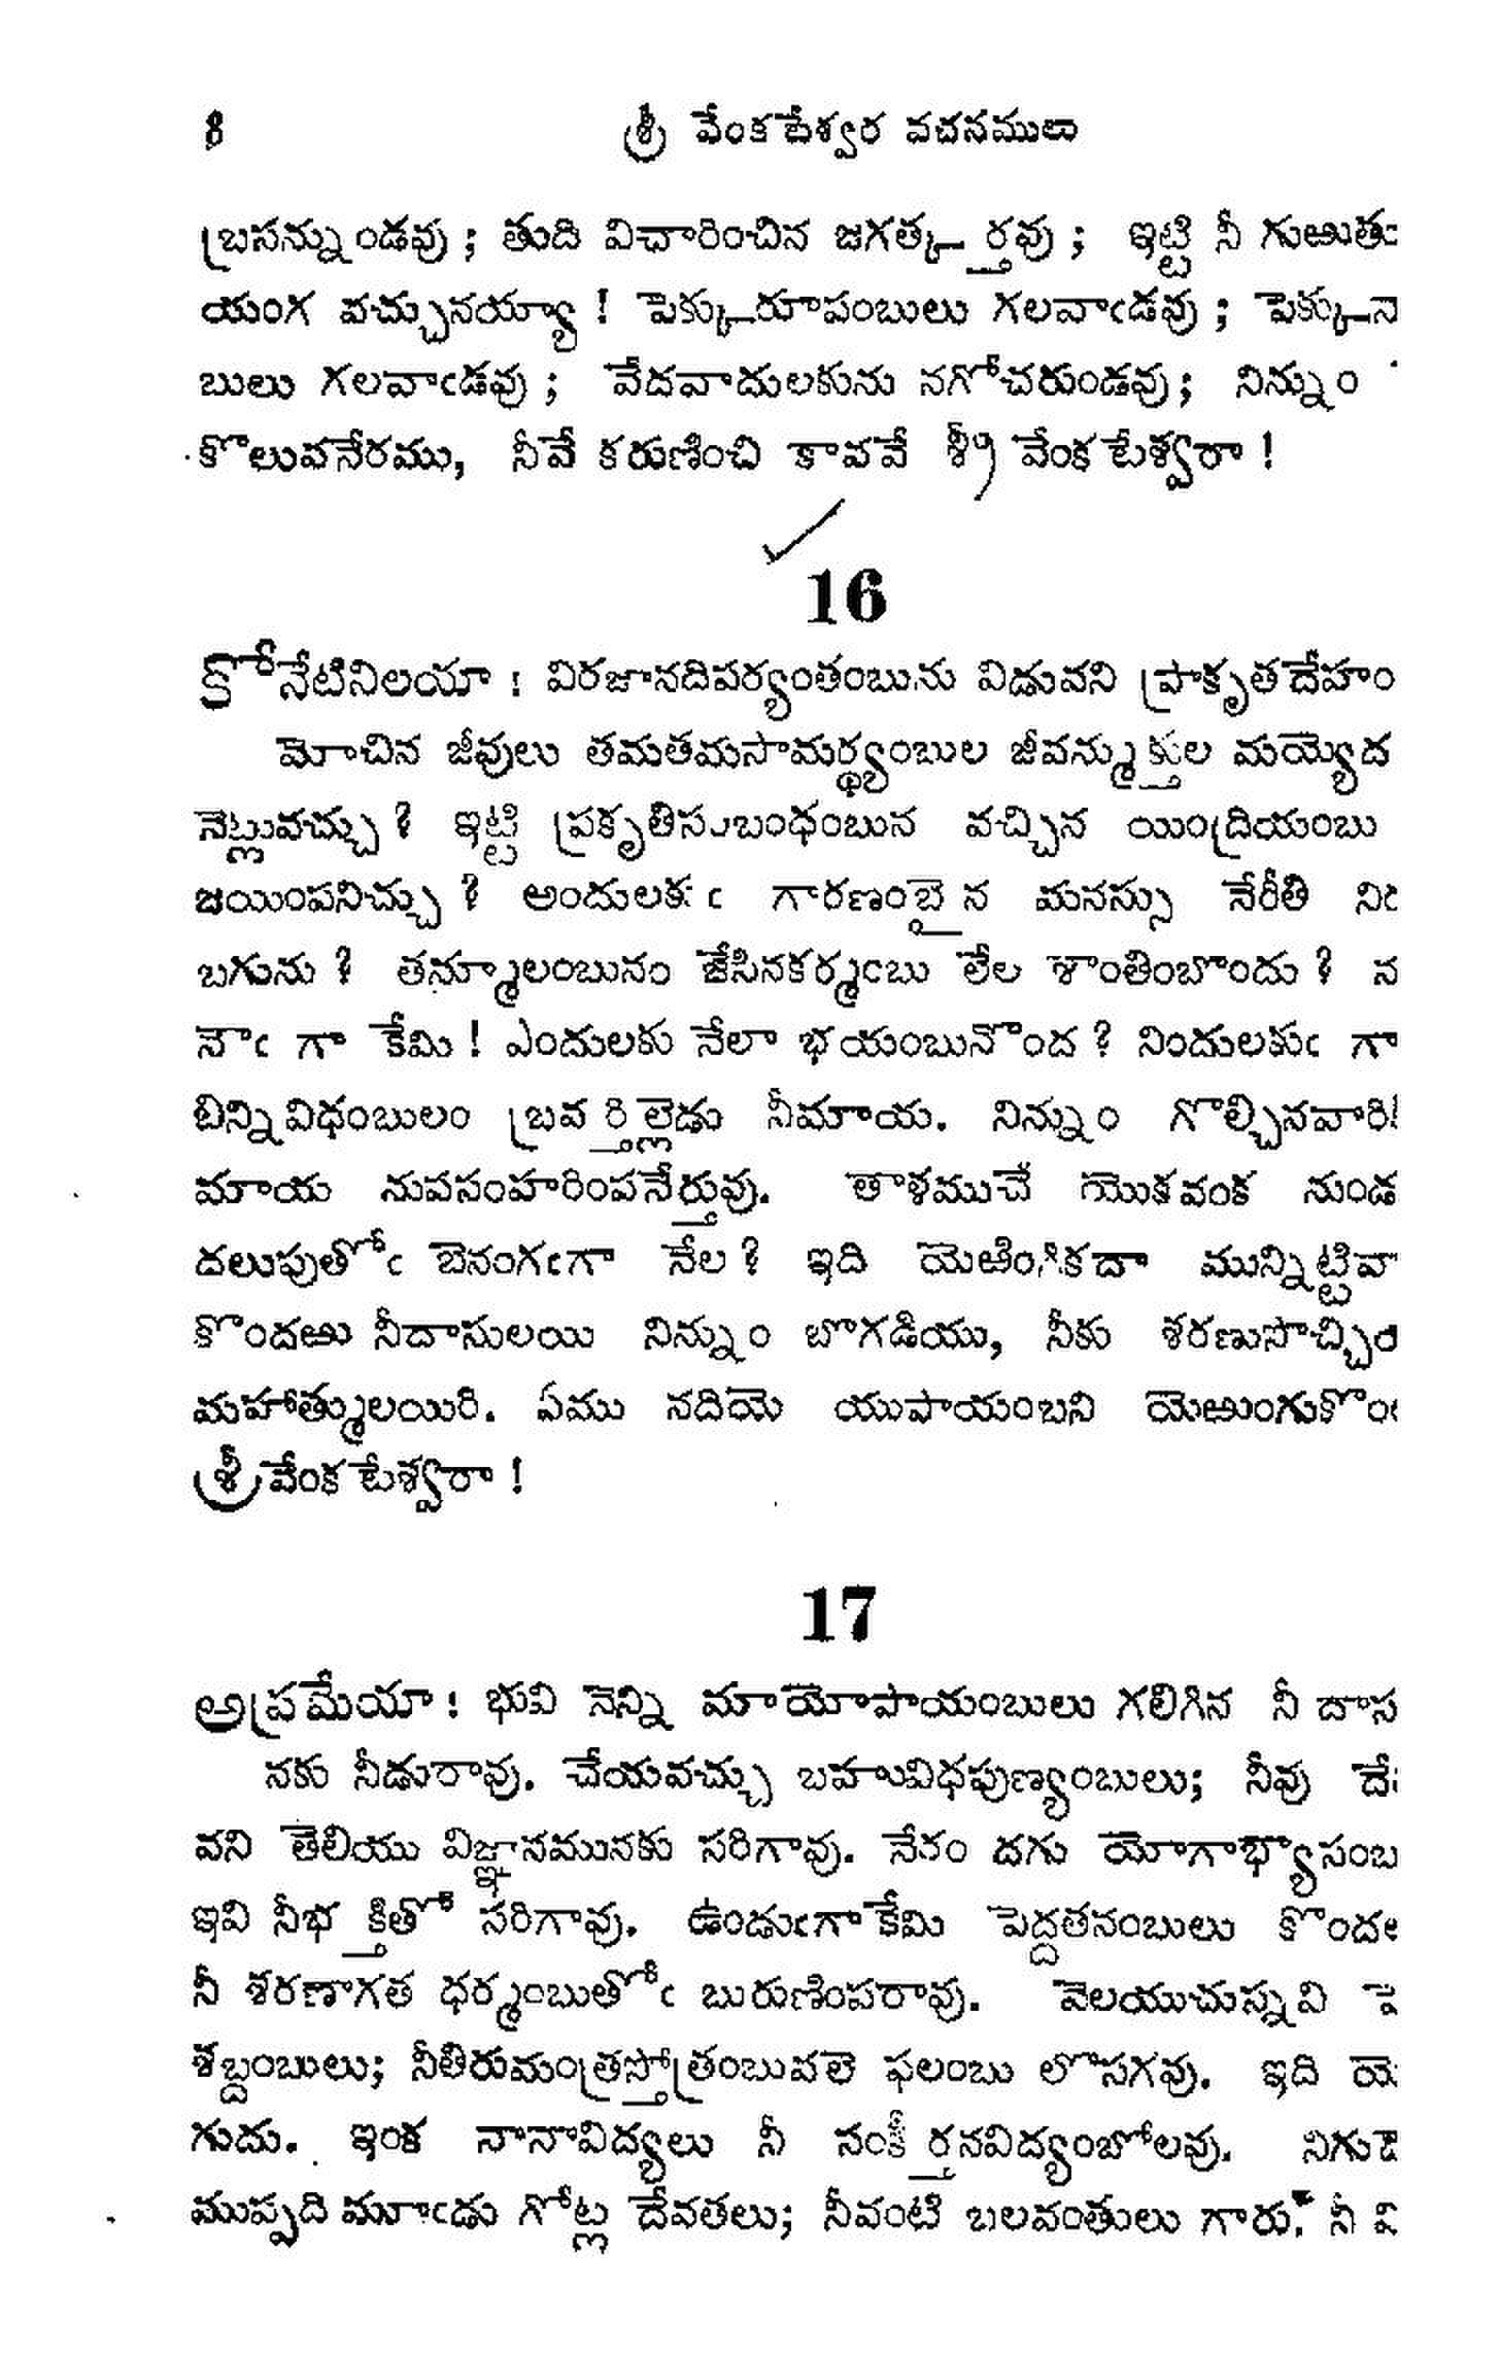బ్రసన్నుండవు; తుది విచారించిన జగత్కర్తవు; ఇట్టి నీ గుఱుతు తెలియంగ వచ్చునయ్యా! పెక్కురూపంబులు గలవాఁడవు; పెక్కునామంబులు గలవాఁడవు; వేదవాదులకును నగోచరుండవు; నిన్నుం కొలువనేరము, నీవే కరుణించి కావవే శ్రీ వేంకటేశ్వరా!

16 

! విరజానదిపర్యంతంబును విడువని ప్రాకృతదేహంబును మోచిన జీవులు తమతమసామర్థ్యంబుల జీవన్ముక్తుల మయ్యెదమన నెట్లువచ్చు? ఇట్టి ప్రకృతిసంబంధంబున వచ్చిన యింద్రియంబులేల జయింపనిచ్చు? అందులకుఁ గారణంబైన మనస్సు నేరీతి నిర్మలంబగును? తన్మూలంబునం జేసినకర్మంబు లేల శాంతింబొందు? నయిన నౌఁ గా కేమి! ఎందులకు నేలా భయంబునొంద? నిందులకుఁ గారణం బిన్నివిధంబులం బ్రవర్తిల్లెడు నీమాయ. నిన్నుం గొల్చినవారికి నీ మాయ నుపసంహరింపనేర్తువు. తాళముచే యొకవంక నుండఁగాఁ దలుపుతోఁ బెనంగఁగా నేల? ఇది యెఱింగికదా మున్నిట్టివారలు కొందఱు నీదాసులయి నిన్నుం బొగడియు, నీకు శరణుసొచ్చియును మహాత్ములయిరి. ఏము నదియె యుపాయంబని యెఱుంగుకొంటిమి. శ్రీ వేంకటేశ్వరా!

17 

! భువి నెన్ని మాయోపాయంబులు గలిగిన నీ దాస్యమునకు నీడురావు. చేయవచ్చు బహువిధపుణ్యంబులు; నీవు దేవుండ వని తెలియు విజ్ఞానమునకు సరిగావు. నేరం దగు యోగాభ్యాసంబులు; ఇవి నీభక్తితో సరిగావు. ఉండుఁగాకేమి పెద్దతనంబులు కొందఱికిని; నీ శరణాగత ధర్మంబుతోఁ బురుణింపరావు. వెలయుచున్నవి పెక్కుశబ్దంబులు; నీతిరుమంత్రస్తోత్రంబువలె ఫలంబు లొసగవు. ఇది యెఱుగుదు. ఇంక నానావిద్యలు నీ సంకీర్తనవిద్యంబోలవు. నిగుడెదరు ముప్పది మూఁడు గోట్ల దేవతలు; నీవంటి బలవంతులు గారు. నీ విచ్చు